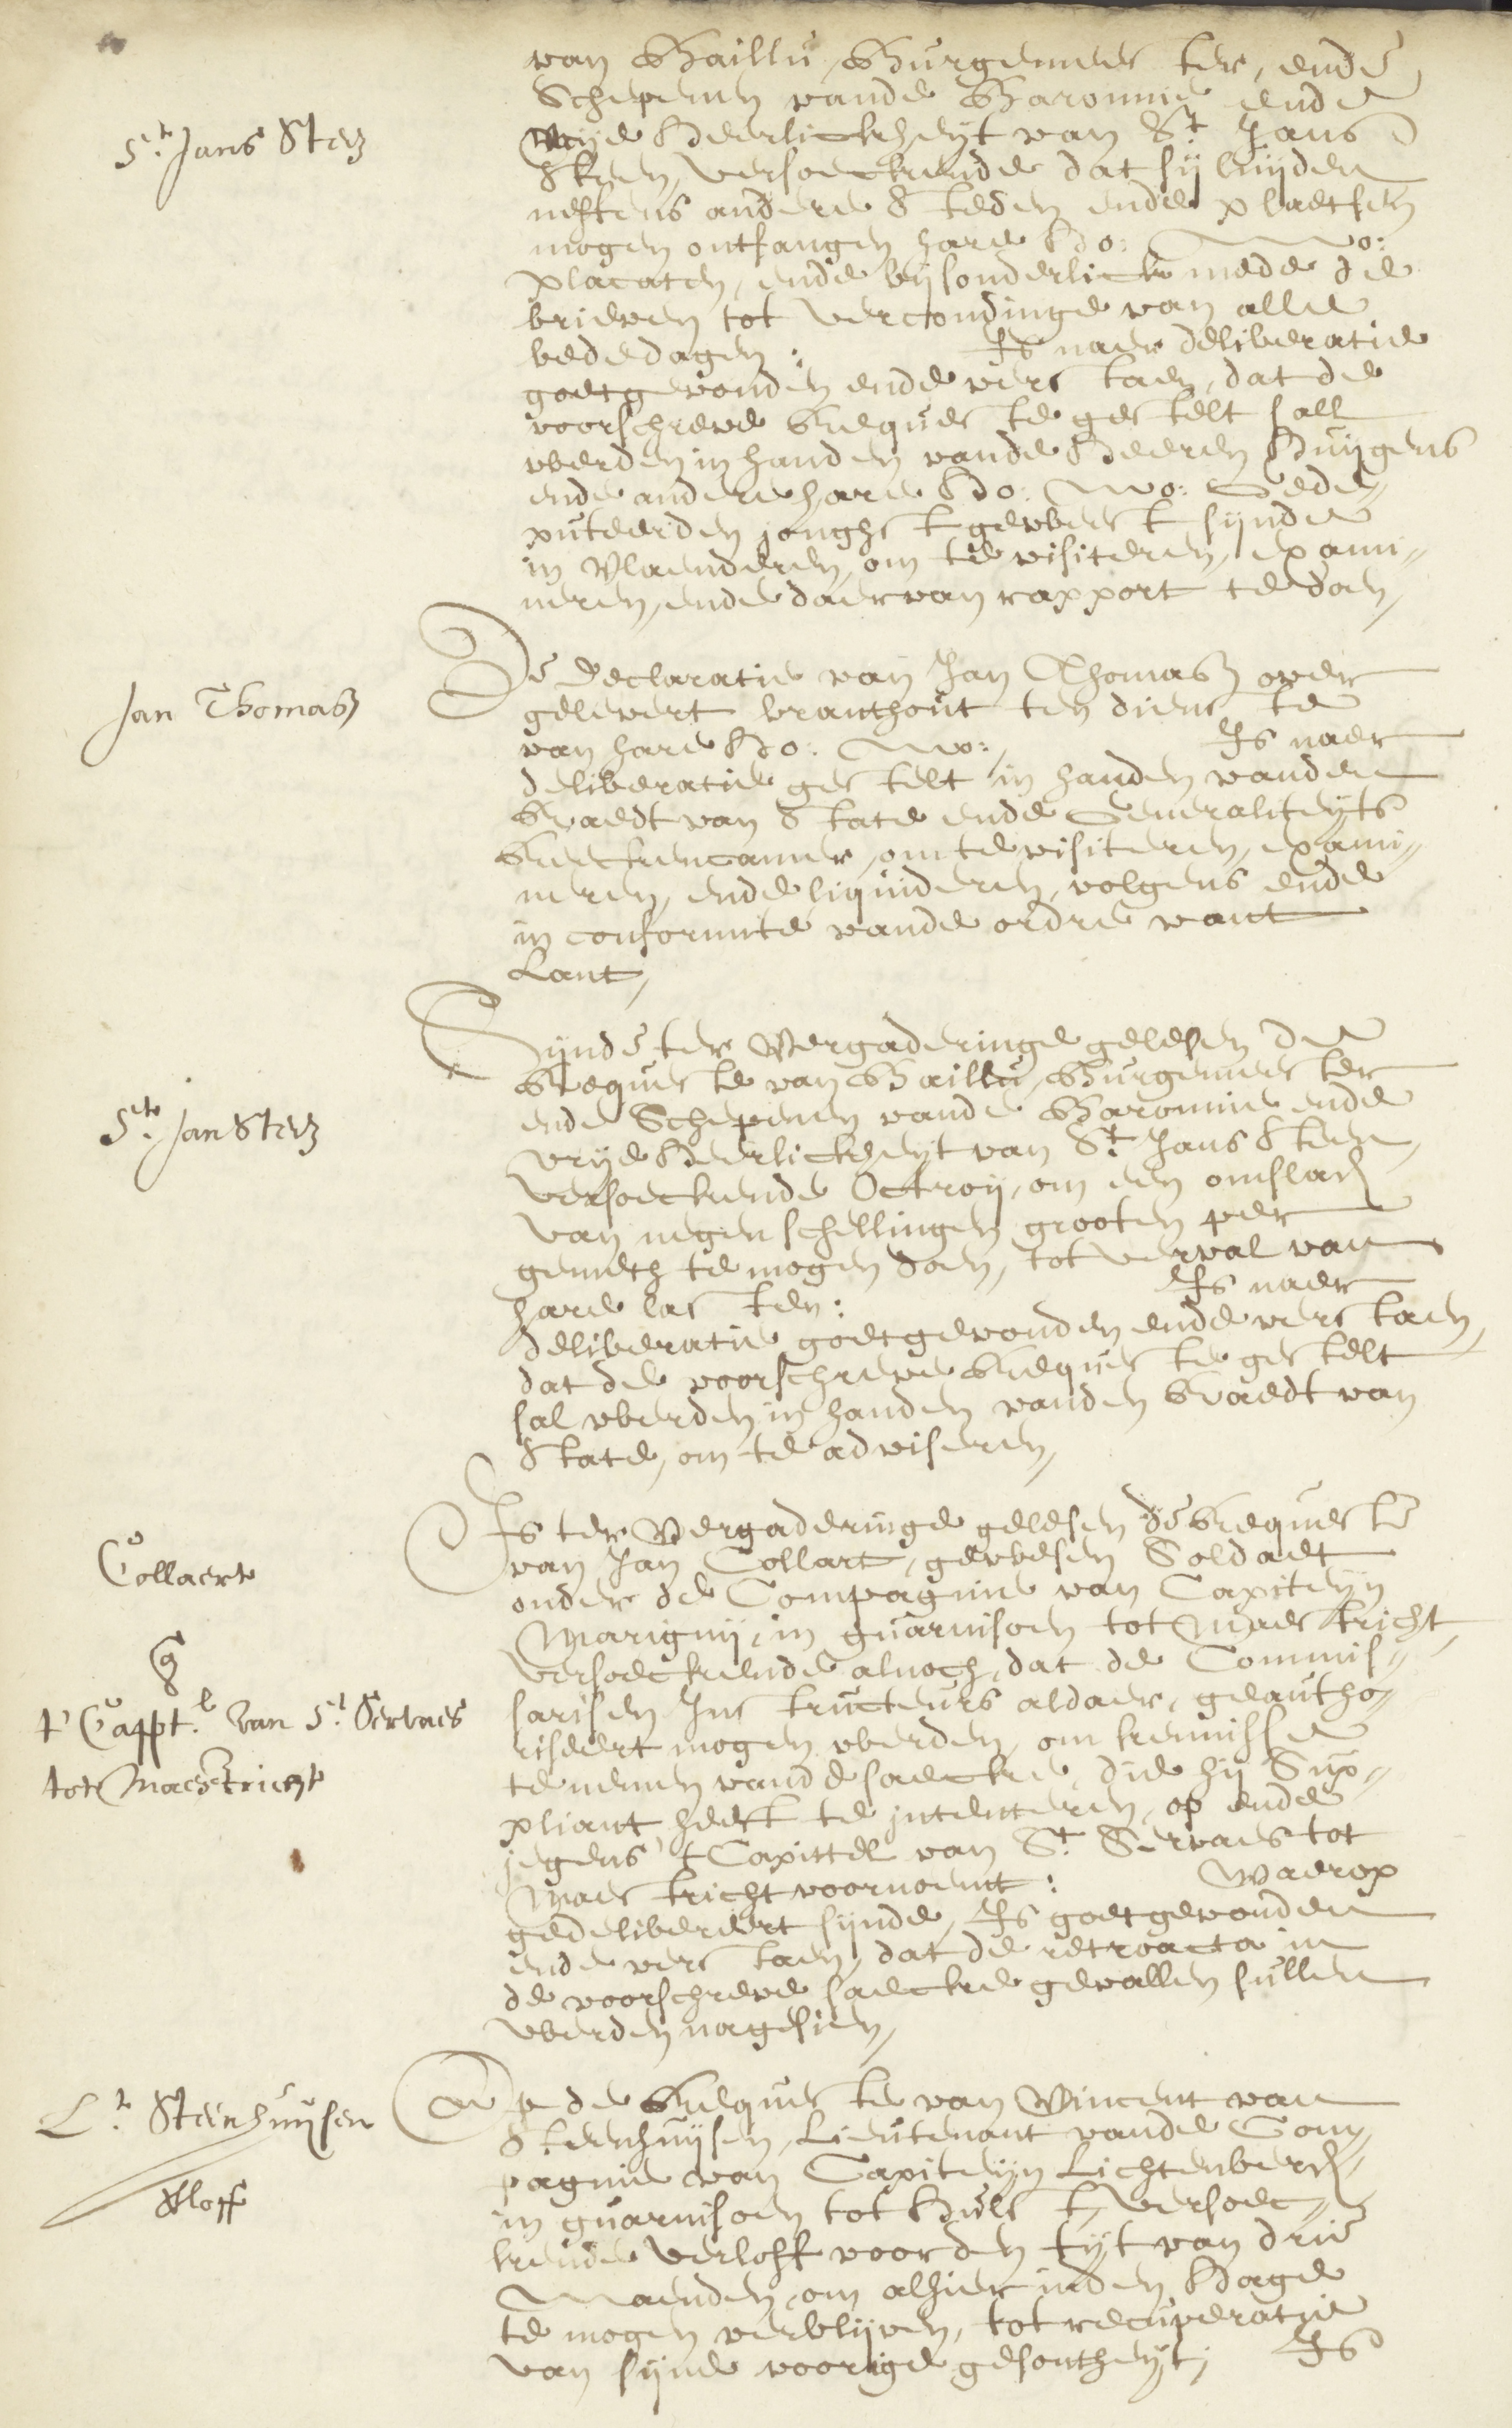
St. Jans Steen
van Baillu, Burgemeester, ende
Schepenen vande Baronnie, ende
vrije heerlickheijt van St. Jans
Steen, versoeckende dat sij luijden
neffens andere Steden ende plaetsen
mogen ontfangen hare Ho:Mo:
placaten, ende bijsonderlick mede de
brieven tot vercondinge van alle
bededagen: Is naer deliberatie
goetgevonden ende verstaen, dat de
voorschreve requeste gestelt sall
werden in handen vande Heeren Huijgens
ende andere hare Ho:Mo: Gede,,
puteerden jonghst geweest sijnde
in Vlaenderen, om te visiteren, exami„,
neren, ende daervan rapport te doen
Jan Thomasz
De declaratie van Jan Thomasz over
gelevert branthout, ten dienste
van hare Ho:Mo: is naer
deliberatie gestelt in handen vanden
Raedt van State ende Generaliteijts
Reeckencamer, om te visiteren, exami,
neren, ende liquideren volgens ende
in conformité vande ordre vant
Lant.
St. Janssteen
Sijnde ter Vergaderinge gelesen de
requeste van Baillu, Burgemeester
ende Schepenen vande Baronnie ende
vrije Heerlickheijt van St. Janssteen
versoeckende octroij, om een omslach
van negen schellingen grooten per
gemeth te mogen doen, tot verval van
hare lasten: Is naer
deliberatie goetgevonden ende verstaen
dat de voorschreve requeste gestelt
sal werden in handen vanden Raedt van
State, om te adviseren.
Collaert
ca
t' Capptl. van St. Servaes
tot Maestricht
Is ter vergaderinge gelesen de Requeste
van Jan Collart, gewesen Soldaet
onder de Compagnie van Capiteijn
Mariguij, in guarnisoen tot Maestricht
versoeckende alnoch, dat de Commis„
sarisen instructeurs aldaer, geautho,,
riseert mogen werden, om kennisse
te nemen vande saecke, die hij Sup„
pliant heeft te intenteren, op ende
jegens 't Capittel van St. Servaes tot
Maestricht voornoemt: Waerop
gedelibereert sijnde, is goetgevonden
ende verstaen, dat de retroacta in
de voorschreve saecke gevallen sullen
werden nagesien.
Lt. Steenhuijsen
Vloff
Op de requeste van Vincent van
Steenhuijsen, Lieutenant vande Com„
pagnie van Capiteijn Lichtenberch,
in guarnisoen tot Hulst, versoec„
kende verloff voor den tijt van drie
maenden, om alhier inden Hage
te mogen verblijven, tot recuperatie
van sijne voorige gesontheijt; is
